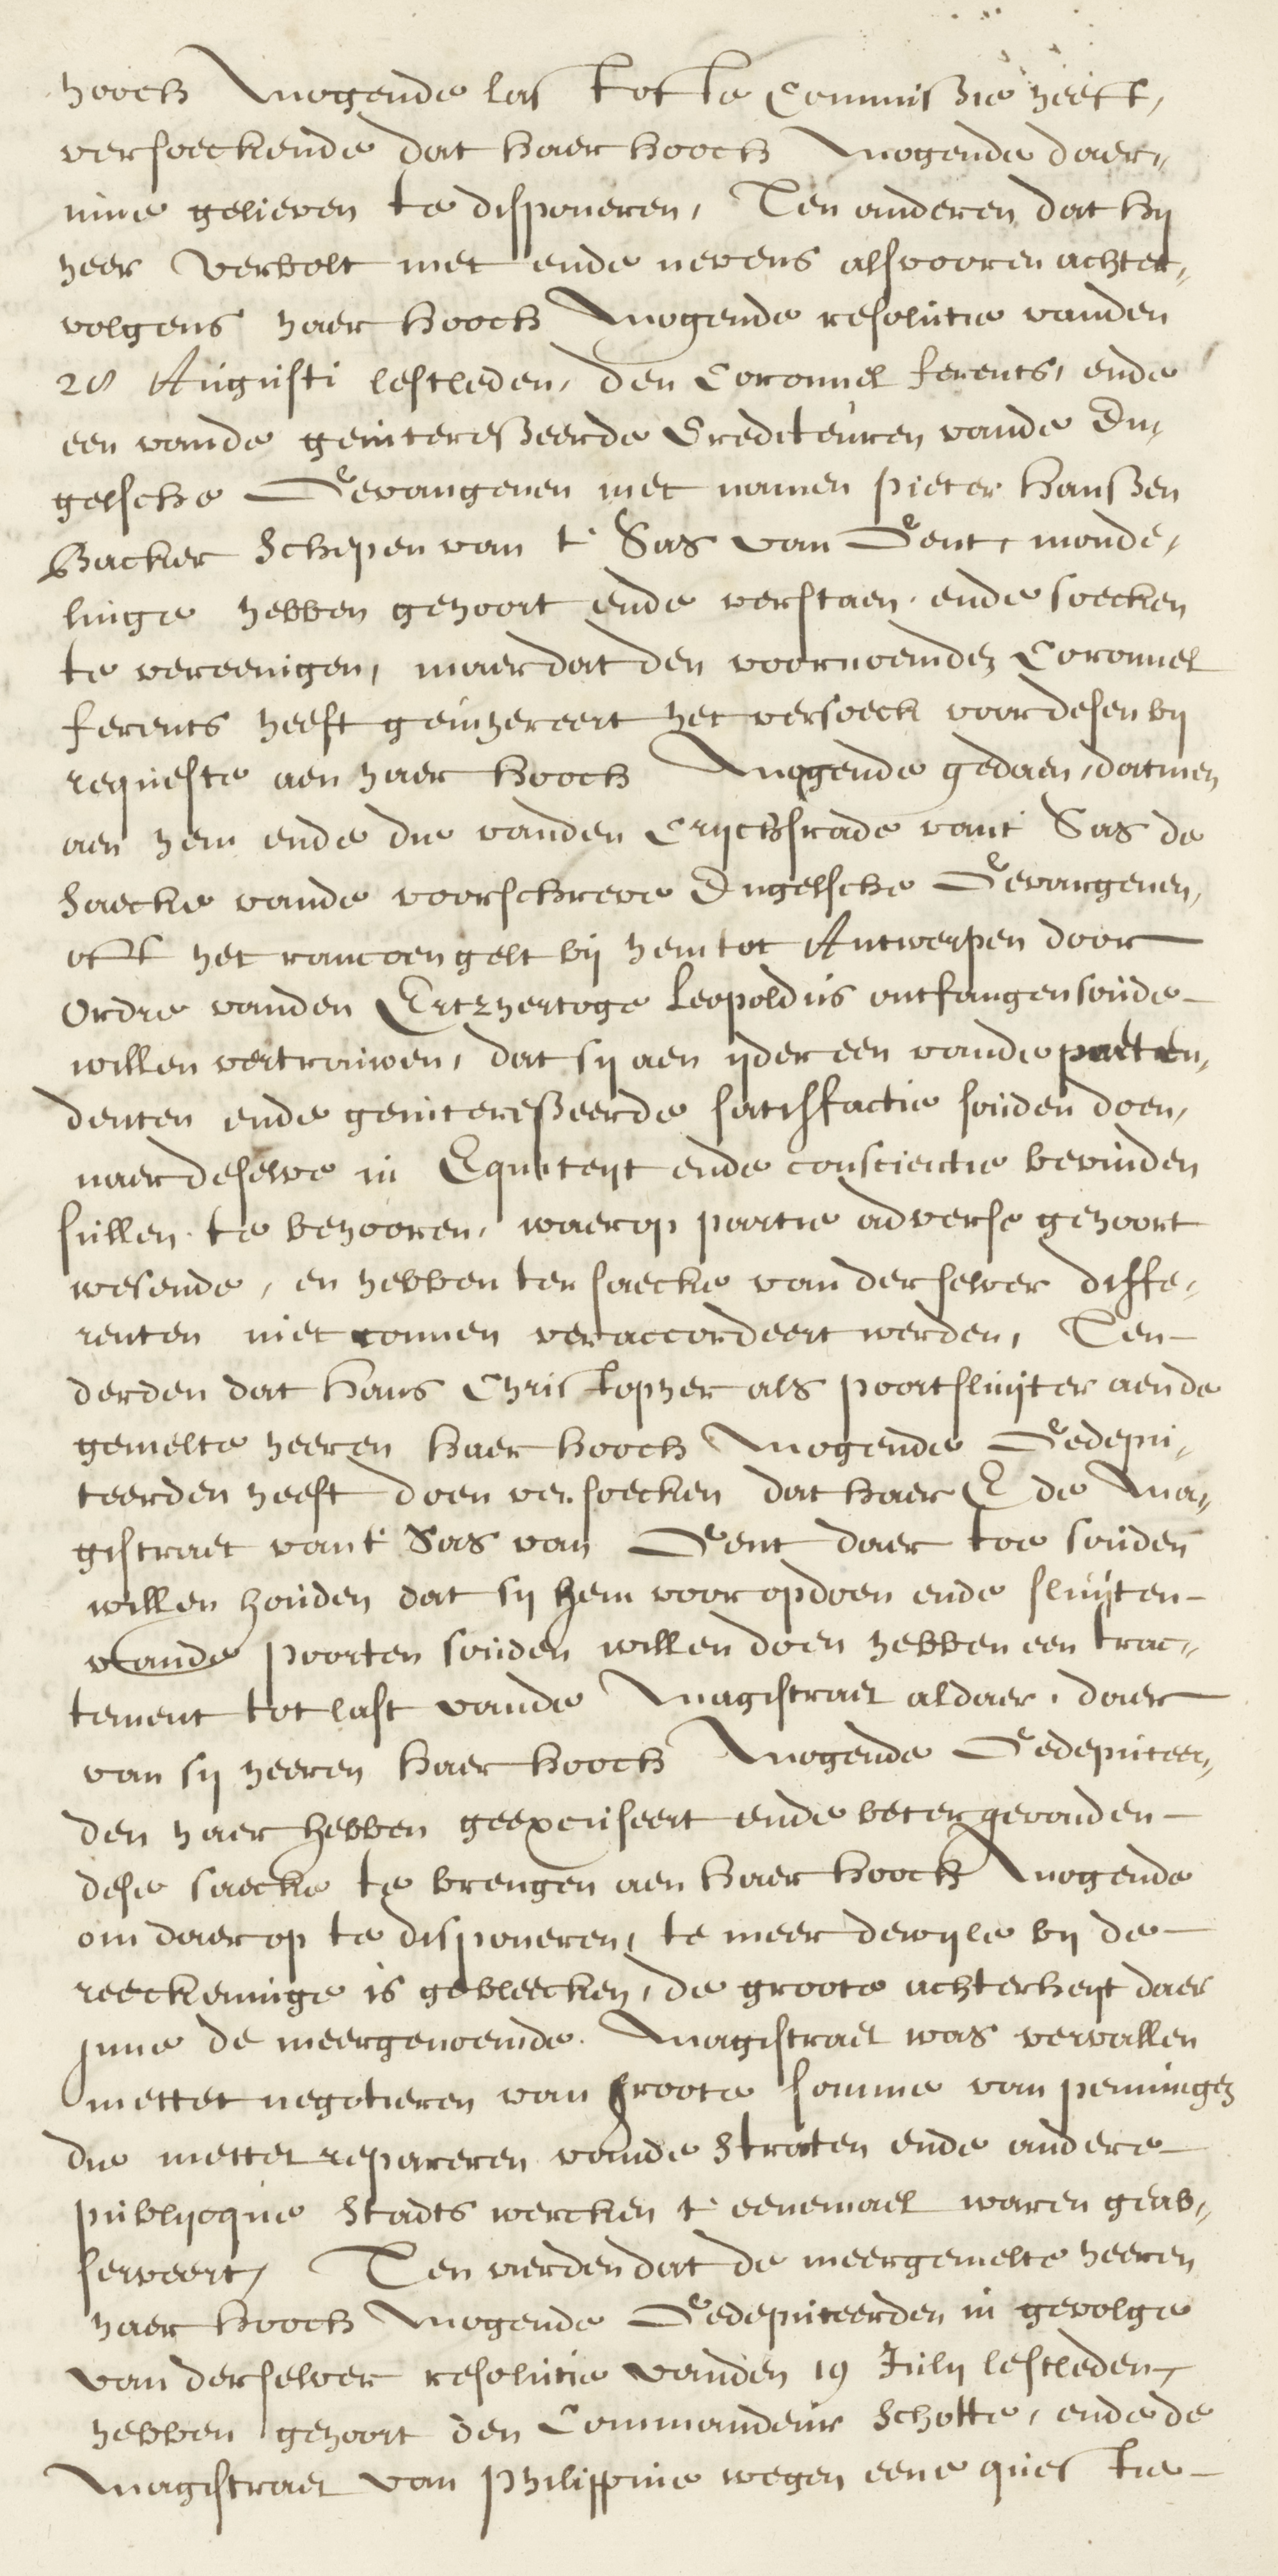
hooch mogende last ofte Commissie heeft,
versoeckende dat haer hooch mogende daer„
inne gelieven te disponeren. Ten anderen dat hy
heer Verbolt met ende nevens alsvooren achter„
volgens haer hooch mogende resolutie vanden
28 Augusti lestleden, den Coronnel ferents, ende
een van de geintereseerde Crediteuren vande En,,
gelsche Gevangenen net namen pieter hanszen
Backer schepen van t' Sas van Gent, monde,
linge hebben gehoort ende verstaen, ende soecken
te vereenigen, maer dat den voornoemden Coronnel
ferents heeft geinhereert het versoeck voor desen by
requeste aen haer hooch Mogende gedaen, dat men
aen hem ende die vanden Crychsrade vant' Sas de
saecke vande voorschreve Engelsche Gevangenen,
off het rancoengelt bij hem tot Antwerpen door
Ordre vanden Ertzhertoge Leopoldus ontfangen soude
willen vertrouwen, dat sy aen yder een vande paeten,
denten ende geinteresseerde satisfactie souden doen,
naer deselve in Equiteyt ende conscientie bevinden
sullen te behooren, waerop partie adverse gehoort
wesende, en hebben ter saecke van derselver diffe,
renten niet connen veraccordeert werden. Ten
derden dat Hans Christopher als poortsluijter aen de
gemelte heeren haer hooch mogende Gedepu„
teerden heeft doen versoecken dat haer E de Ma,,
gistraet vant' Sas van Gent daer toe souden
willen houden dat sy hem voor opdoen ende sluijten
vande poorten souden willen doen hebben een trac,,
tement tot last vande Magistraet aldaer, daer
van sy heeren haer hooch mogende Gedeputeer,,
den haer hebben geexcuseert ende beter gevonden
dese saecke te brengen aen haer hooch mogende
om daerop te disponeren, te meer dewyle by de
reeckeninge is gebleecken, de groote achterheyt daer
Inne de meergenoemde Magistraet was vervallen
mettet negotieren van groote somme van penningen
die mettet repareren vande straten ende andere
publycque stadts wercken t‛ eenemael waren geab„
serveert. Ten vierden dat de meergemelte heeren
haer hooch mogende Gedeputeerden in gevolge
van derselver resolutie vanden 19 July lestleden,
hebben gehoort den Commandeur schotte, ende de
magistraet van philipine wegen eene questie
